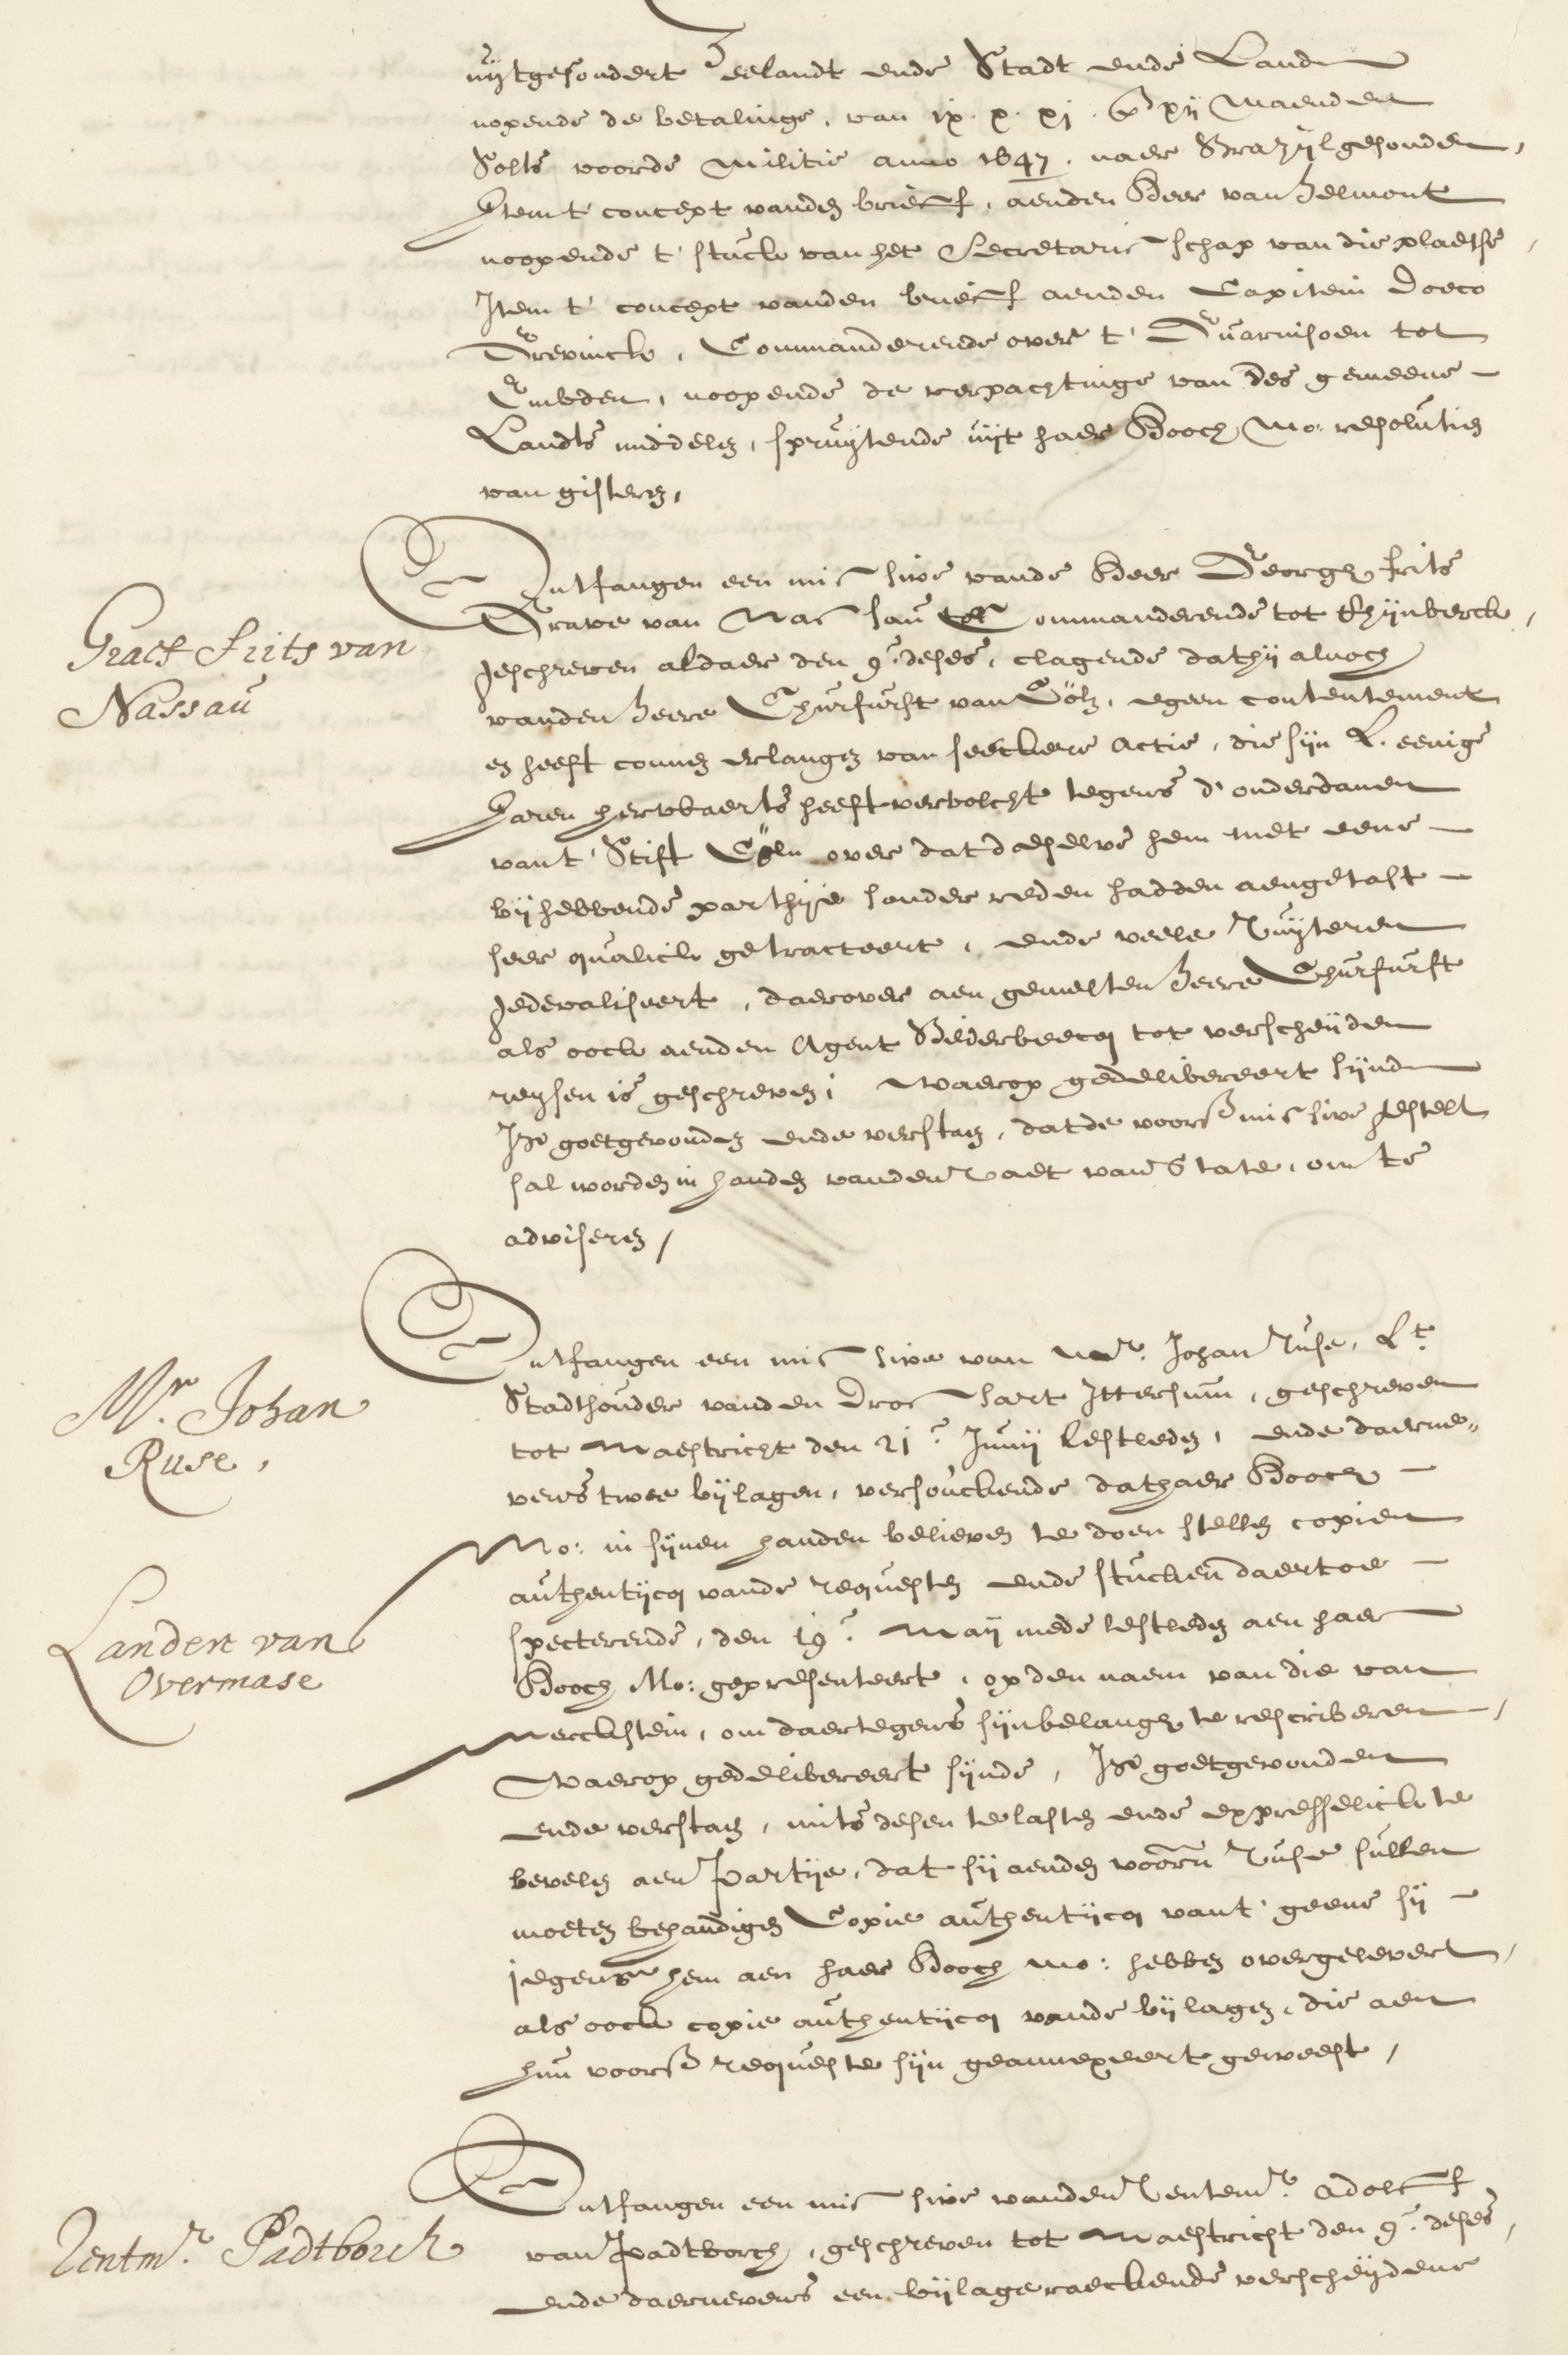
uijtgesondert Zeelandt ende Stadt ende Lande
nopende de betalinge, van ix . x . xi & xii maenden
solts voorde militie anno 1647. naer Brazijl gesonden,
Item t' concept vanden brieff, aenden heer van Helmont
noopende t‛ stuck van het secretarisschap van die plaetse.
Item t‛ concept vanden brieff aenden Capiten Doeco
Grevinck, Commanderende over t' Guarnisoen tot
Embden, noopende de verpachtinge van des gemeene -
Landts middelen, spruijtende uijt haer Hooch Mo: resolutien
van gisteren.
Graef Frits van
Nassau
Ontfangen een missieve vande Heer Georgh frits
Grave van Nassau Commanderende tot Rhijnberck
geschreven aldaer den 9e. deses, clagende dat hij alnoch
vanden heere Churfurst van Cöln, egeen contentement
en heeft connen erlangen van seeckere actie, die sijn L. eenige
Jaren herwaerts heeft vervolcht tegens d‛onderdanen
vant' Stift Cöln over dat deselve hem met eene
bijhebbende parthije sonder reden hadden aengetast
seer qualick getracteert, ende veele Ruijteren
gedevaliseert, daerover aen gemelten Heere Churfurst
als oock aenden Agent Bilderbeecq tot verscheijden
reysen is geschreven: waerop gedelibereert sijnde
Is goetgevonden ende verstaen, dat de voors missive gestelt
sal worden in handen vanden raet van State, om te
adviseren.
Mr. Johan
Ruse,
Landen van
Overmase
Ontfangen een missive van Mr. Johan Ruse, Lt.
Stadthouder vanden Drossart Ittersum, geschreven
tot Maestricht den 21e Junij lestleden, ende daerne,,
vens twee bijlagen, versouckende dat haer Hooch
Mo: in sijnen handen believen te doen stellen copien
authentijcq vande requesten ende stucken daertoe
specterende, den 19e. Maij mede lestleden aen haer
Hooch Mo: gepresenteert, op den naem van die van
Merckstein, om daertegens sijn belangh te rescriberen,
Waerop gedelibereert sijnde, Is goetgevonden
ende verstaen, mits desen te lasten ende expresselick te
bevelen aen Partije, dat sij aenden voorn Ruse sullen
moeten behandigen Copie authentijcq vant' geene sij
jegens hem aen haer Hooch mo: hebben overgelevert,
als oock copie authentijcq vande bijlagen, die aen
hun voors requeste sijn geannexeert geweest.
Rentmr. Padtborch
Ontfangen een missive vanden Rentmr. adolff
van Padtborch, geschreven tot Maestricht den 9e. deses,
ende daernevens een bijlage raeckende verscheijdene
